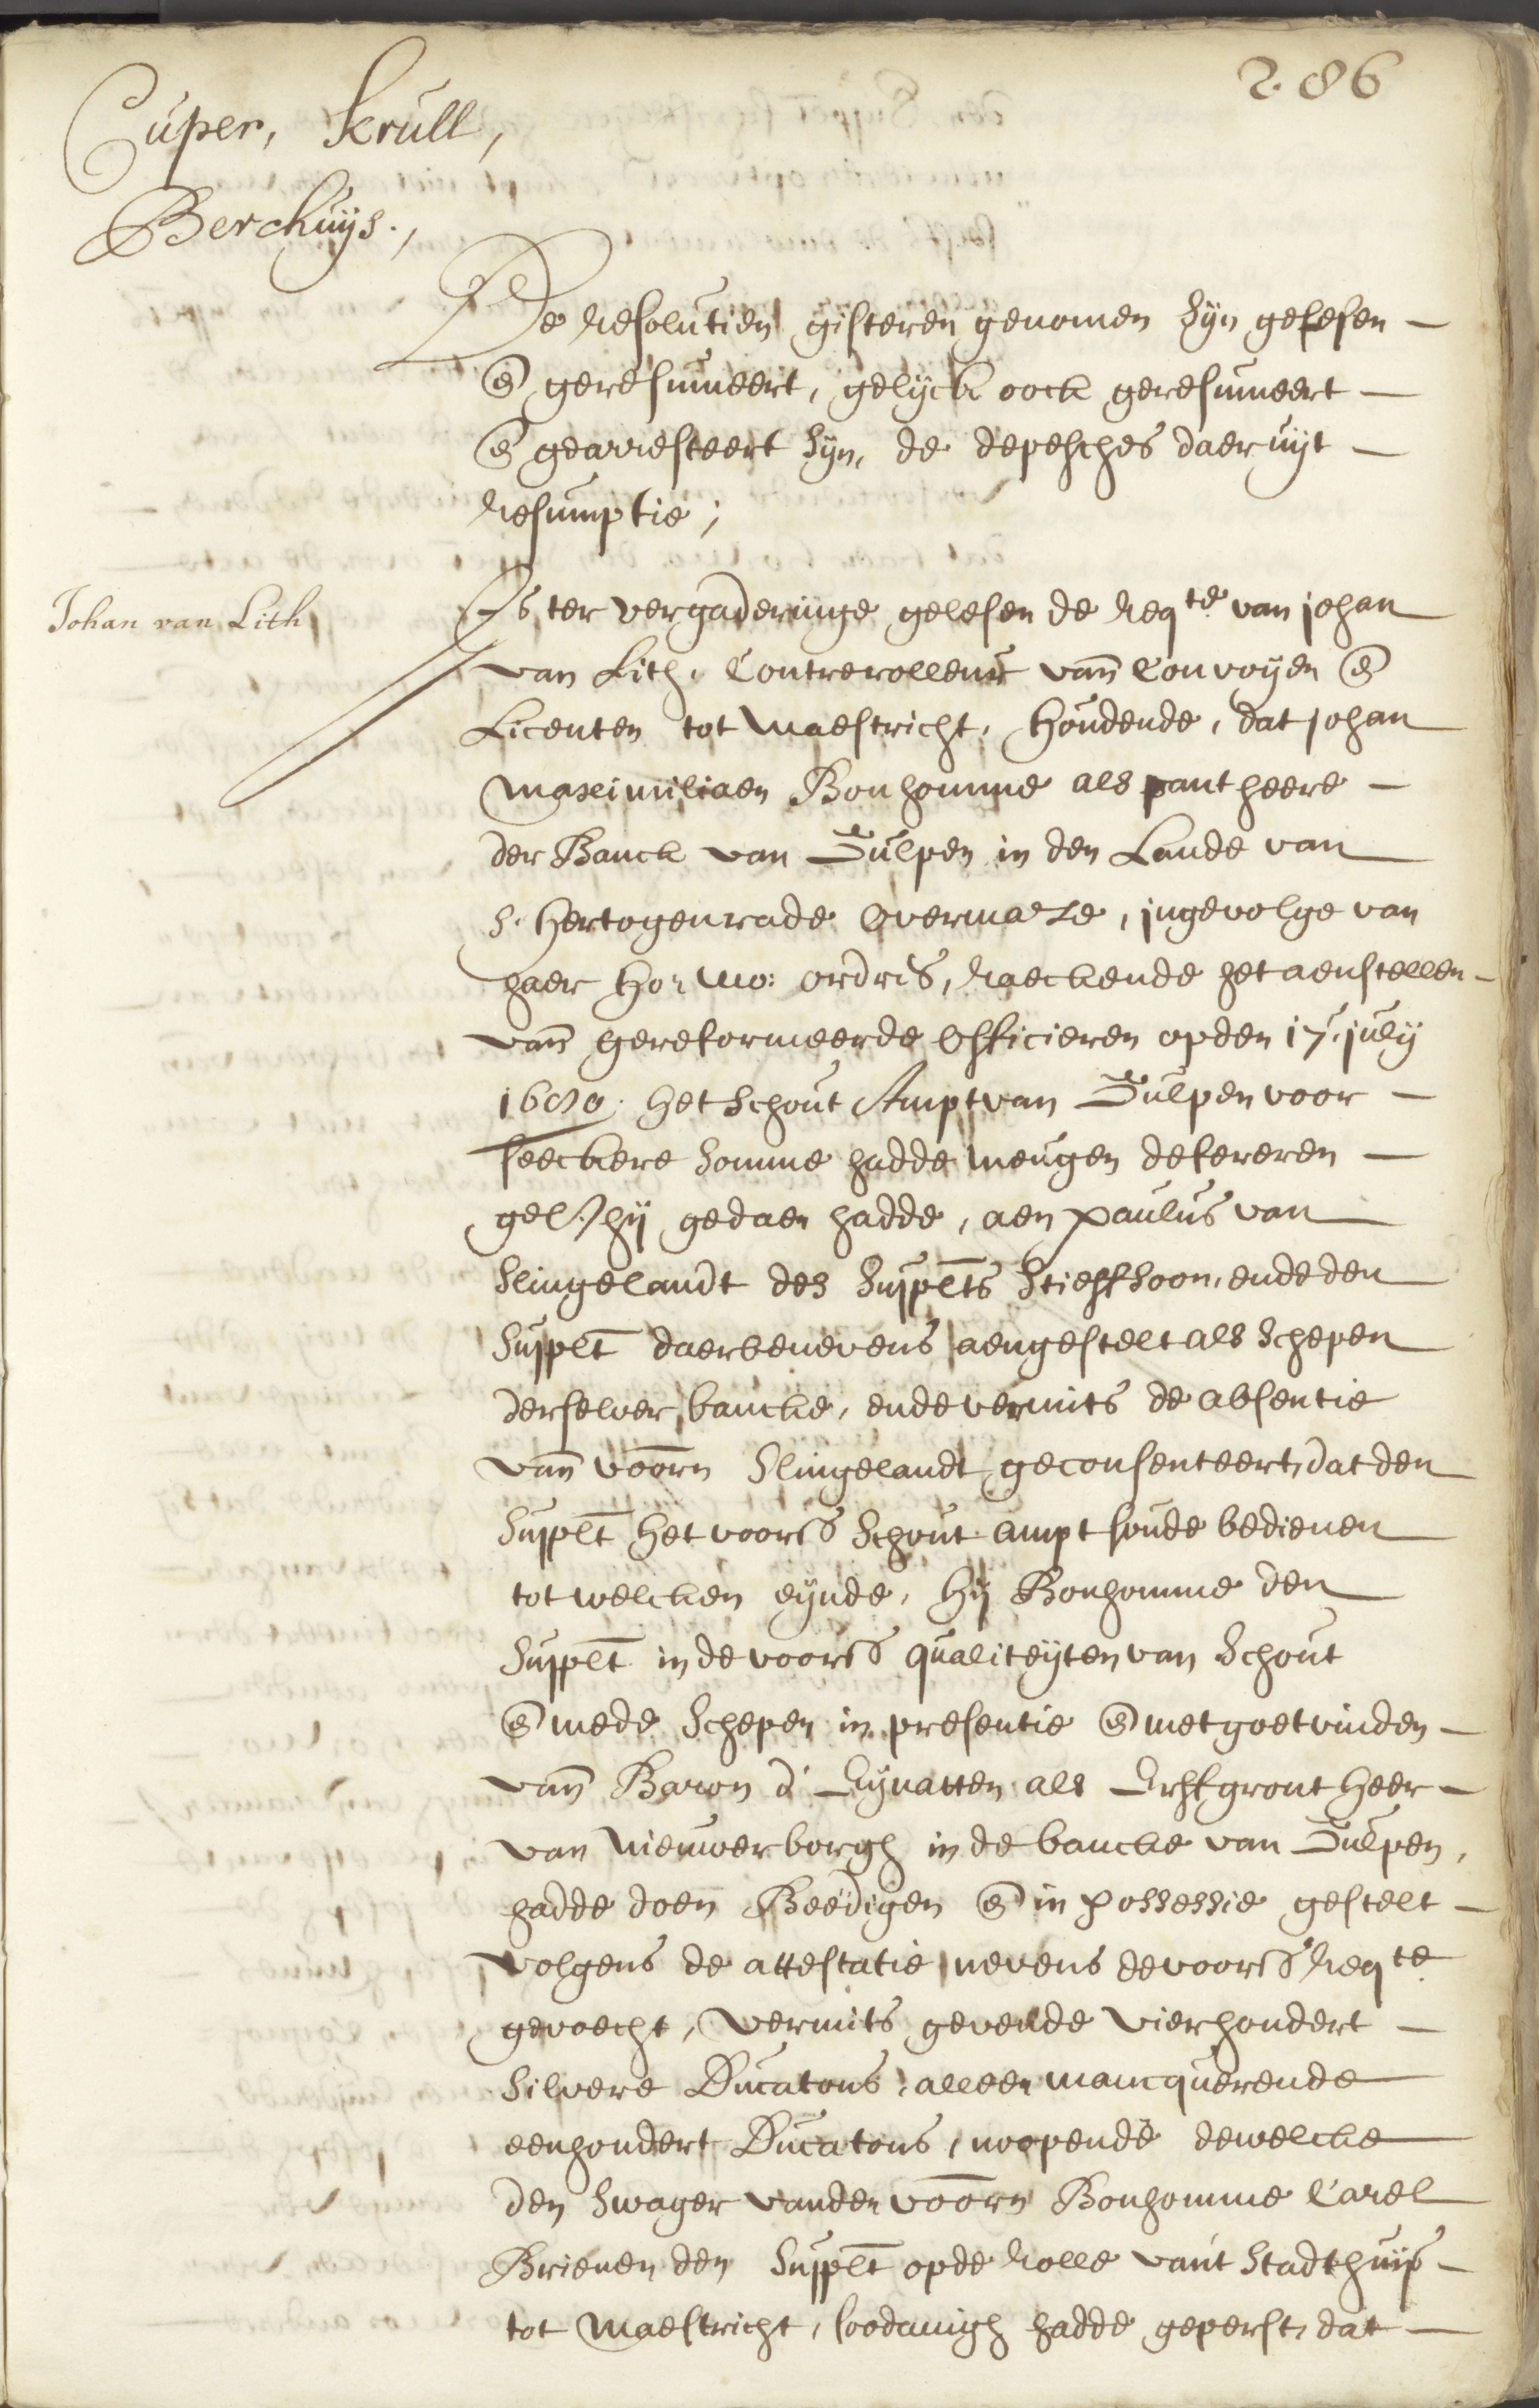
286
Cuper, Krul,.
Berchuijs.
De resolutien gisteren genomen sijn gelesen
& geresumeert, gelijck oock geresumeert-
& gearresteert sijn, de depesches daer uijt -
resumptie.
Johan van Lith
Is ter vergaderinge gelesen de reqte. van johan
van Lith, Contrerolleur van Convoijen &
Licenten tot maestricht, houdende, dat johan
Maximiliaen Bonhomme als pant heere -
der Banck van Gulpen in den Lande van
s' Hertogenrade Overmaze, ingevolge van
haer Ho:Mo: ordres, raeckende het aenstellen-
van gereformeerde officieren opden 17e julij
1680 het schout Ampt van Gulpen voor-
seeckere somme hadde meugen defereren -
gel hij gedaen hadde, aen paulus van
slingelandt des Supplts Stieffsoon, ende den
Supplt daerbenevens aengestelt als schepen
derselver bancke, ende vermits de absentie
van voorn Slingelandt, geconsenteert, dat den
Supplt het voorsz schout ampt soude bedienen
tot welcken eijnde, hij Bonhomme den
Supplt in de voorsz qualiteijten van Schout
& mede Schepen, in presentie & met goetvinden -
van Baron d'Eijnatten, als Erffgront heer
van niewerborgh in de bancke van Gulpen,
hadde doen Beedigen & in possessie gestelt
volgens de attestatie nevens de voorsz reqte.
gevoecht, vermits gevende vierhondert —
Silvere Ducatons,alleen mancquerende
eenhondert Ducatons, noopende dewelcke
den Swager vanden voorn Bonhomme Carel
Brienen den Supplt opde rolle van't Stadthuijs
tot maestricht, soodanigh hadde geperst, dat -
